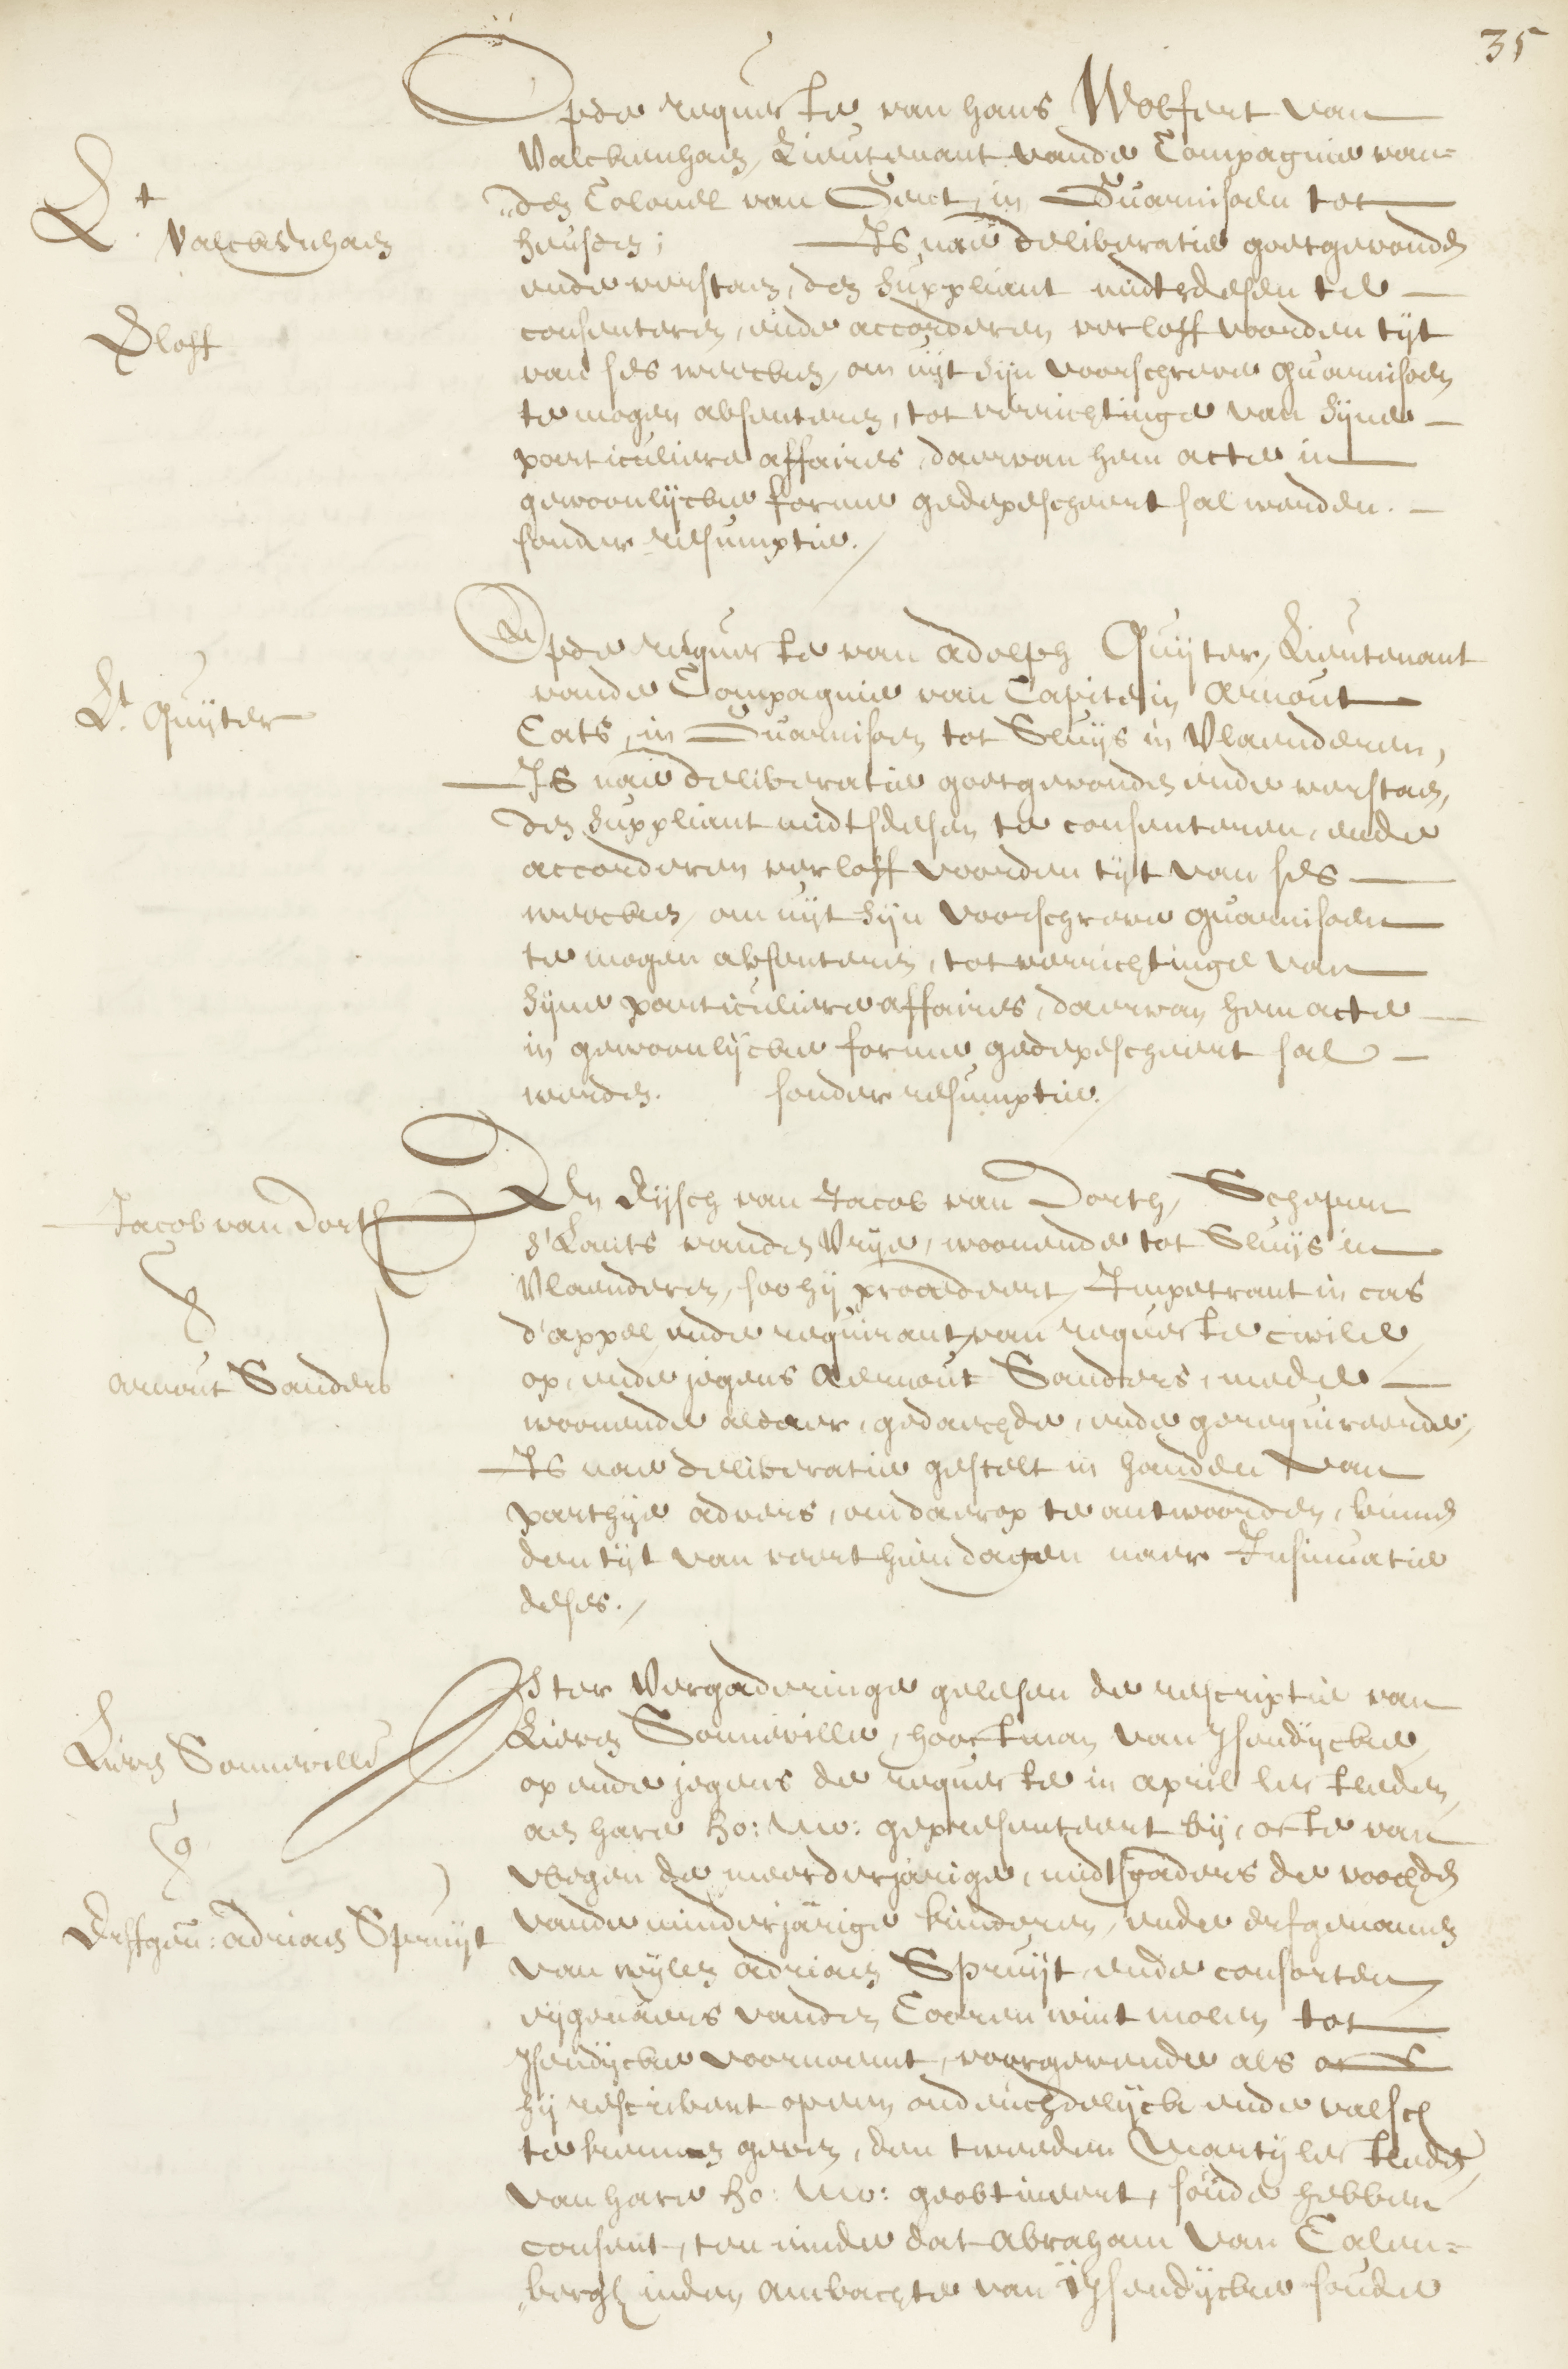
35
Lt. Valckenhaen
Vloff.
Opde requeste van hans Wolfert van
Valckenhaen, Lieutenant vande Compagnie van=
„den Colonel van Gent, in Guarnisoen tot
heusden: Is nae deliberatie goetgevonden
ende verstaen, den Suppliant midtsdesen te
consenteren, ende accorderen verloff voor den tijt
van ses weecken, om uijt sijn voorschreve Guarnisoen
te mogen absenteren, tot verrichtinge van sijne
particuliere affaires, daervan hem acte in
gewoonlijcke forme gedepescheert sal werden.
sonder resumptie.
Lt. Quijter
Opde requeste van Adolph Quijter, Lieutenant
vande Compagnie van Capitein Arnout
Cats, in Guarnisoen tot Sluijs in Vlaenderen,
— Is nae deliberatie goetgevonden ende verstaen,
den Suppliant midtsdesen te consenteren, ende
accorderen verloff voor den tijt van ses
weecken, om uijt sijn voorschreve Guarnisoen
te mogen absenteren, tot verrichtinge van
sijne particuliere affaires, daervan hem acte
in gewoonlijcke forme gedepescheert sal -
werden. sonder resumptie.
Jacob van Dorth
ca.
Arnout Sanders
Den Eijsch van Jacob van Dorth, Schepen
s‛Lants vanden Vrije, woonende tot Sluijs in
Vlaenderen, soo hij procedeert, Impetrant in cas
d'appel ende requirant van requeste civile
op, ende jegens Aernout Sanders, mede
woonende aldaer, gedaechde, ende gerequireerde;
Is nae deliberatie gestelt in handen van
parthije advers, om daerop te antwoorden, binnen
den tijt van veerthien dagen naer Insinuatie
deses.
Lieven Sonneville
ca.
Erffgen: adriaen Spruijt
Is ter Vergaderinge gelesen de rescriptie van
Lieven Sonneville, hooftman van Isendijcke
op ende jegens de requeste in april lestleden,
aen hare Ho:Mo: gepresenteert bij, ofte van
wegen de meerderjarige, midtsgaders de voochden
vande minderjarige kinderen, ende erfgenamen
van wijlen adriaen Spruijt, ende consorten,
eijgenaers vanden Cooren wint molen tot
Isendijcke voornoemt, voorgevende als off
hij rescribent opeen ondeuchdelijck ende valsch
te kennen geven, den tweeden Martij lestleden,
van hare ho:Mo: geobtineert, soude hebben
consent, ten einde dat Abraham van Calen=
„bergh inden Ambachte van IJsendijcke soude
